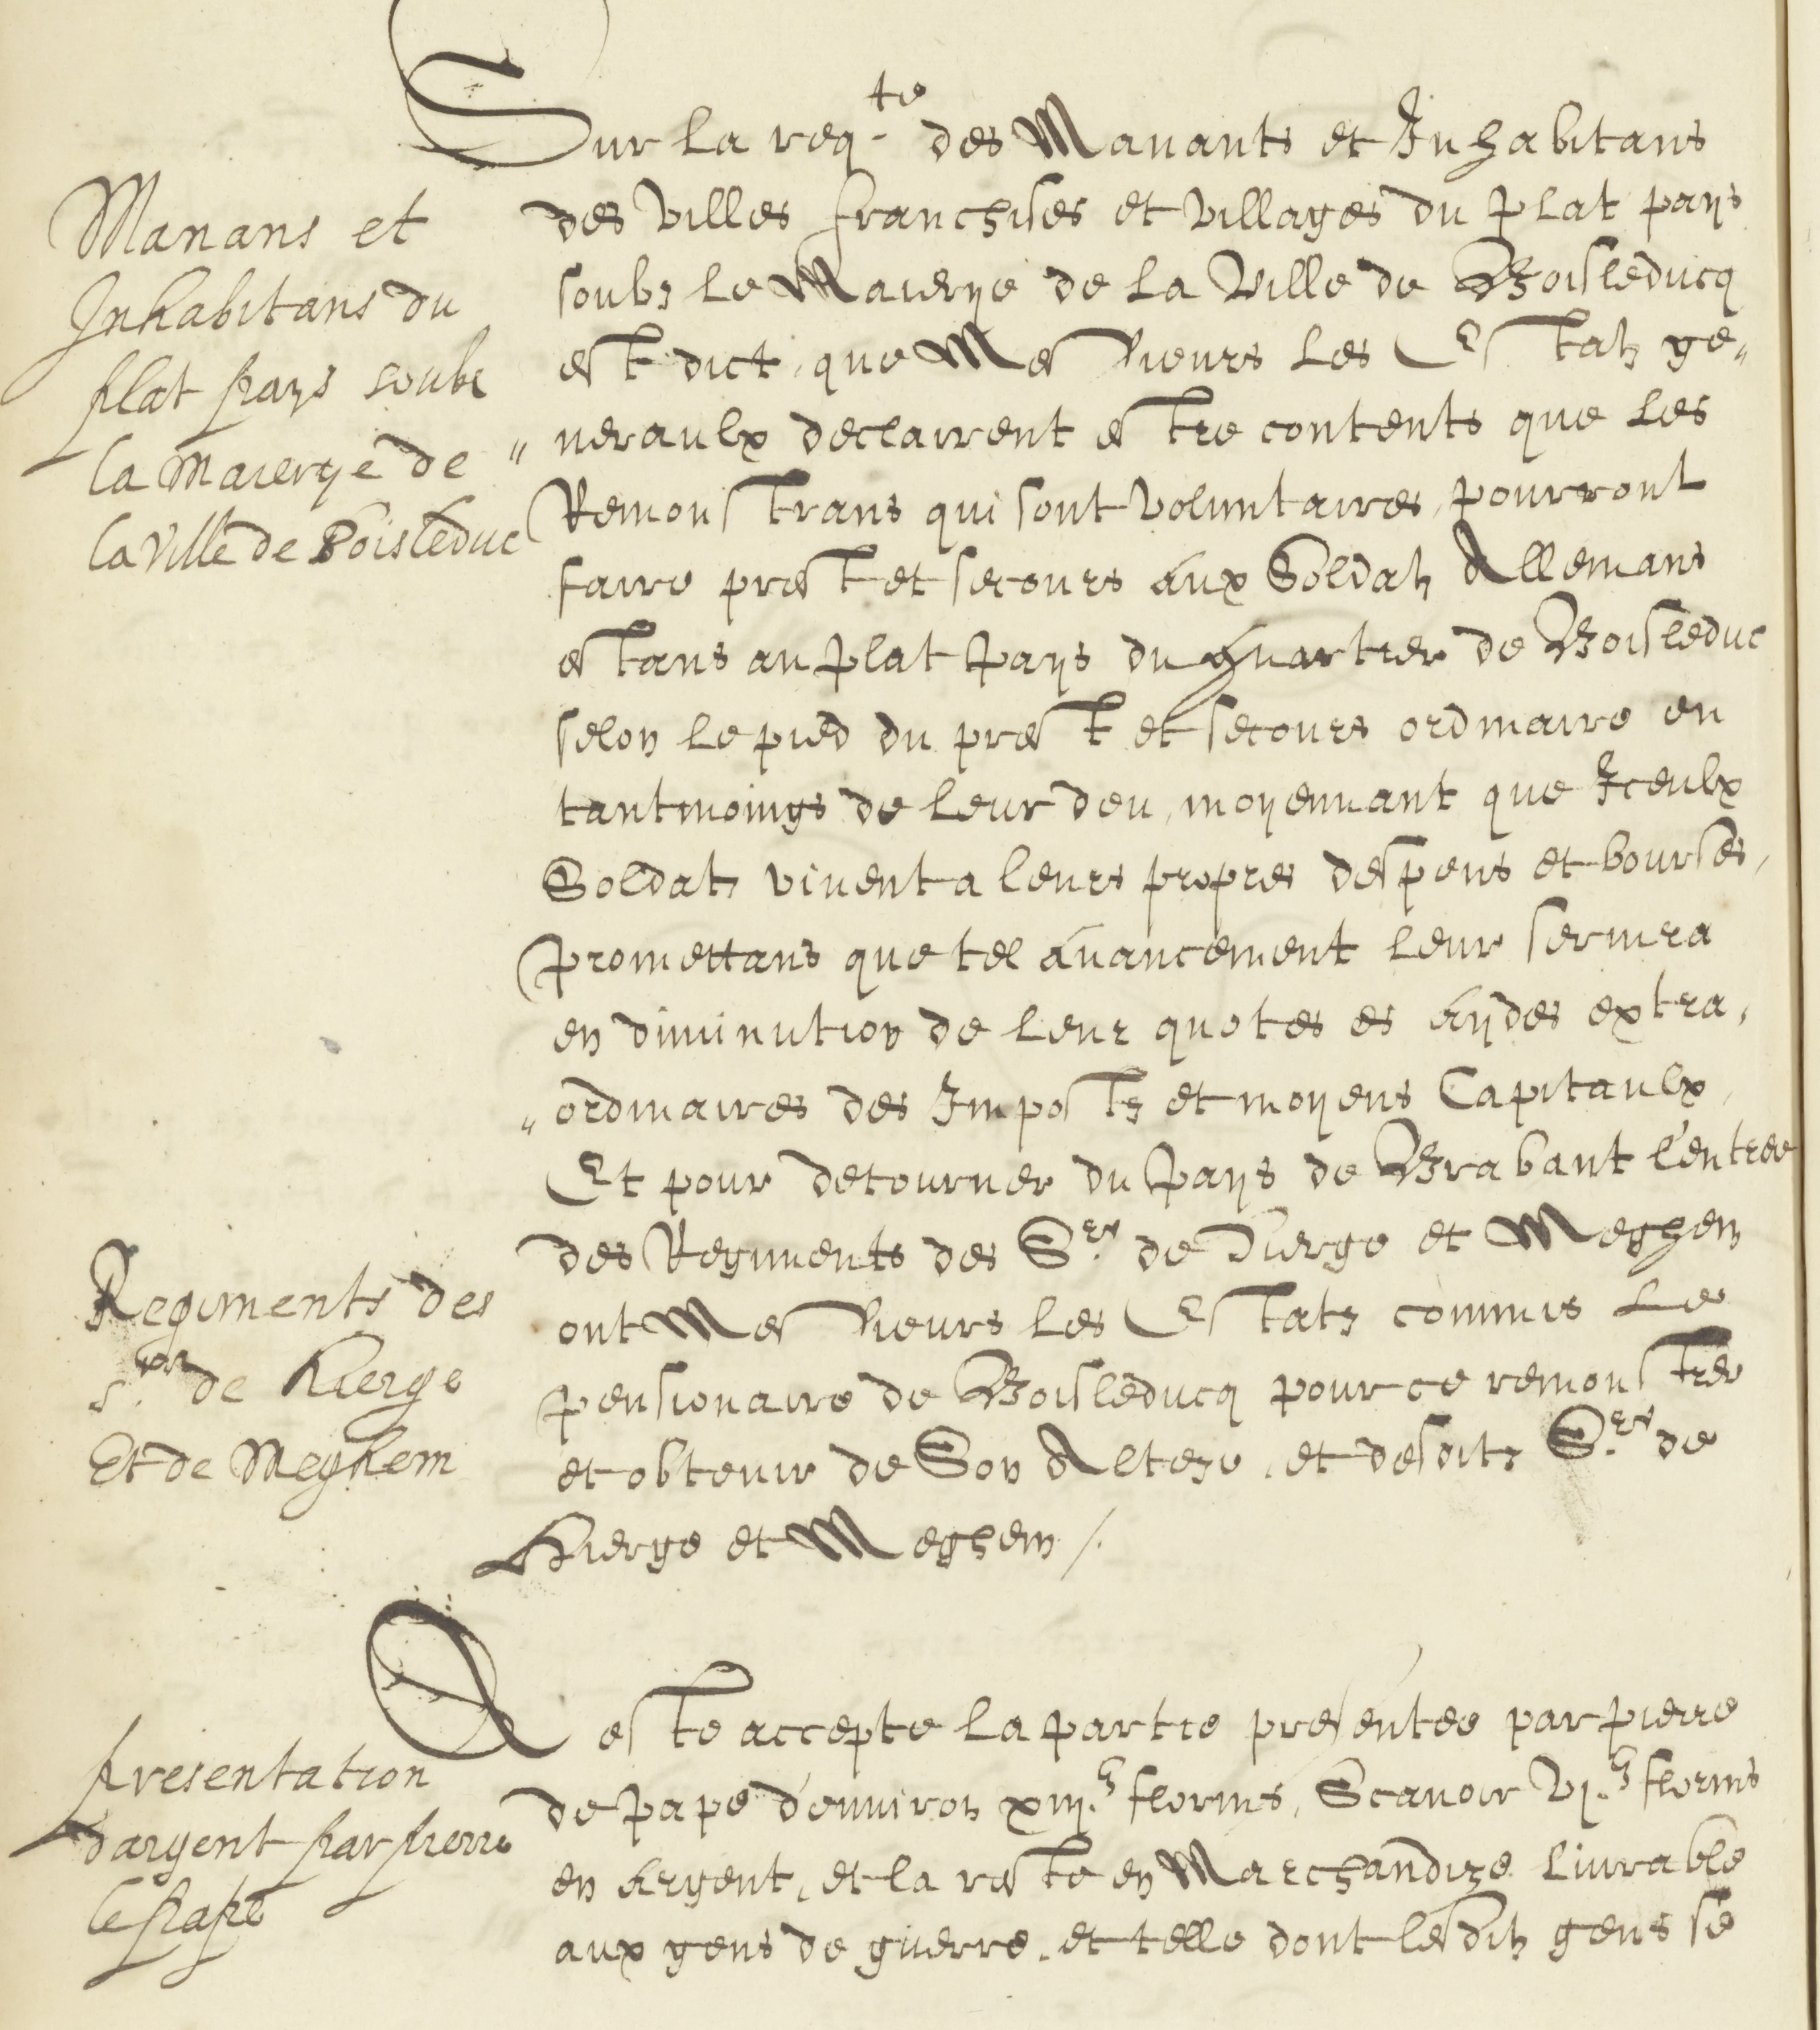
Manans et
Inhabitans du
Plat Pays soubz
la Maierye de
la ville de Boisleduc
Regiments des
srs. de Hierge
Et de Meghem
Sur la reqte. des Manants et Inhabitans
des villes Franchises et villages du Plat Pays
soubz le Maierye de la Ville de Boisleducq
est dict, que Messieurs les Estatz ge„
„neraulx declairent estre contents que les
Remonstrans qui sont voluntaires, pourront
faire prest et secours aux Soldatz Allemans
estans au Plat Pays du quartier de Boisleduc
selon le pied du prest et secours ordinaire en
tantmoings de leur deu, moyennant que Iceulx
Soldatz viuent a leurs propres despens et bourses,
promettans que tel auancement leur seruira
en diminuntion de leur quotes es aydes extra„
„ordinaires des Impostz et moyens Capitaulx,
Et pour detourner du Pays de Brabant l‛entree
des Regiments des Srs. de Hierge et Meghem
ont Messieurs les Estatz commis le
pensionaire de Boisleducq pour ce remonstre
et obtenir de Son Alteze, et desditz, Srs. de
Hierge et Meghem.
Presentation
d‛argent par pierre
le Pape
Ceste accepte la partie presentee par pierre
de pape d‛environ xiijm. florins, Scavoir vjm. florins
en argent, et la reste en Marchandize liurable
aux gens de guerre et telle dont lesditz gens se
